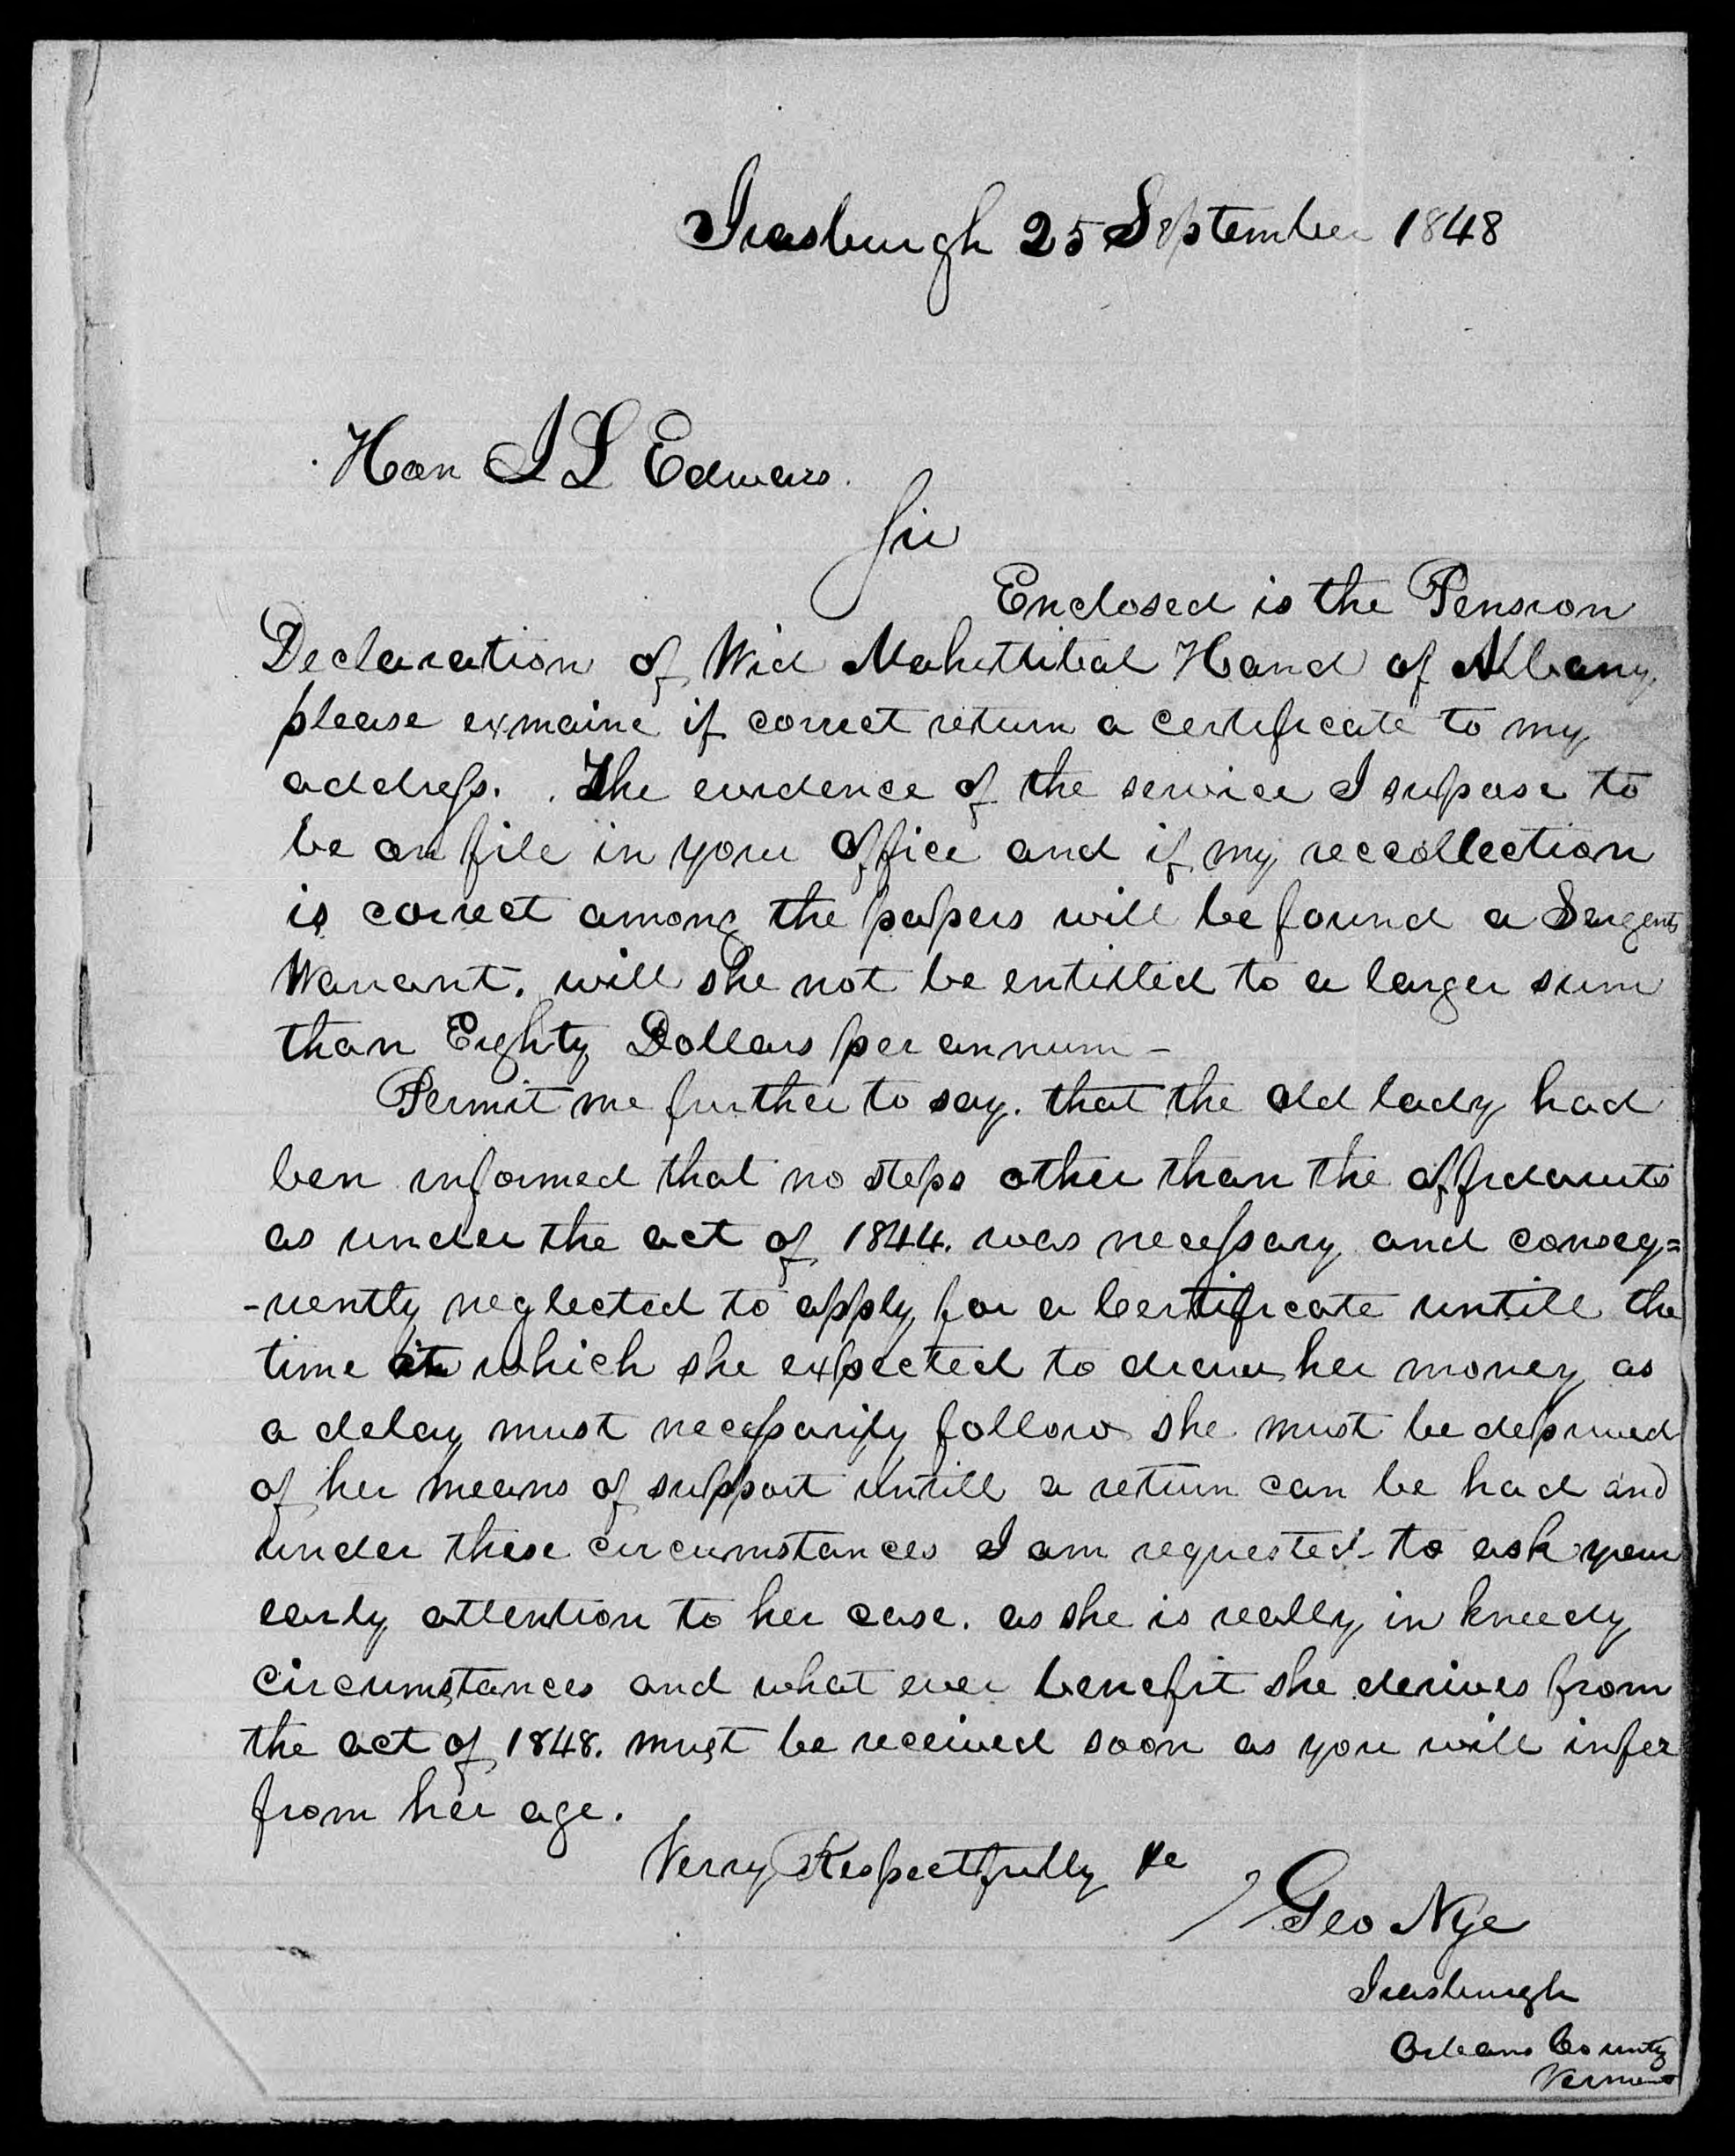Irasburgh 25 September 1848 
Hon J L Edward Sir Enclosed is the Pension Declaration of Wid Mahithitial Hand of Albany please exmaine if correct return a certificate to my address. The evidence of the service I supose to be on file in your office and if my recollection is correct among the papers will be found a Sargents Warrant. will she not be entitled to a larger sum than Eighty Dollars per annum- Permit me further to say, that the old lady had been informed that no steps other than the affidavits as under the act of 1844, was necessary and consequently  neglected to apply for a Certificate untill the time at which she expected to ?recieve her money as a delay must necessarily follow she must be deprived of her means of support untill a return can be had and under these circumstances I am requested to ask your early attention to her case, as she is really in kneedy circumstances and whatever benefit she derives from the act of 1848. must be received soon as you will infer from her age. Verry Respectfully &c Geo Nye Irasburgh Orleans County Vermont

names: Mahettibal Hand, J L Edwars, Geo Nye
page: 24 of 42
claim: widow's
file: W. 19,722, Ira Hand, N.H. Vt.